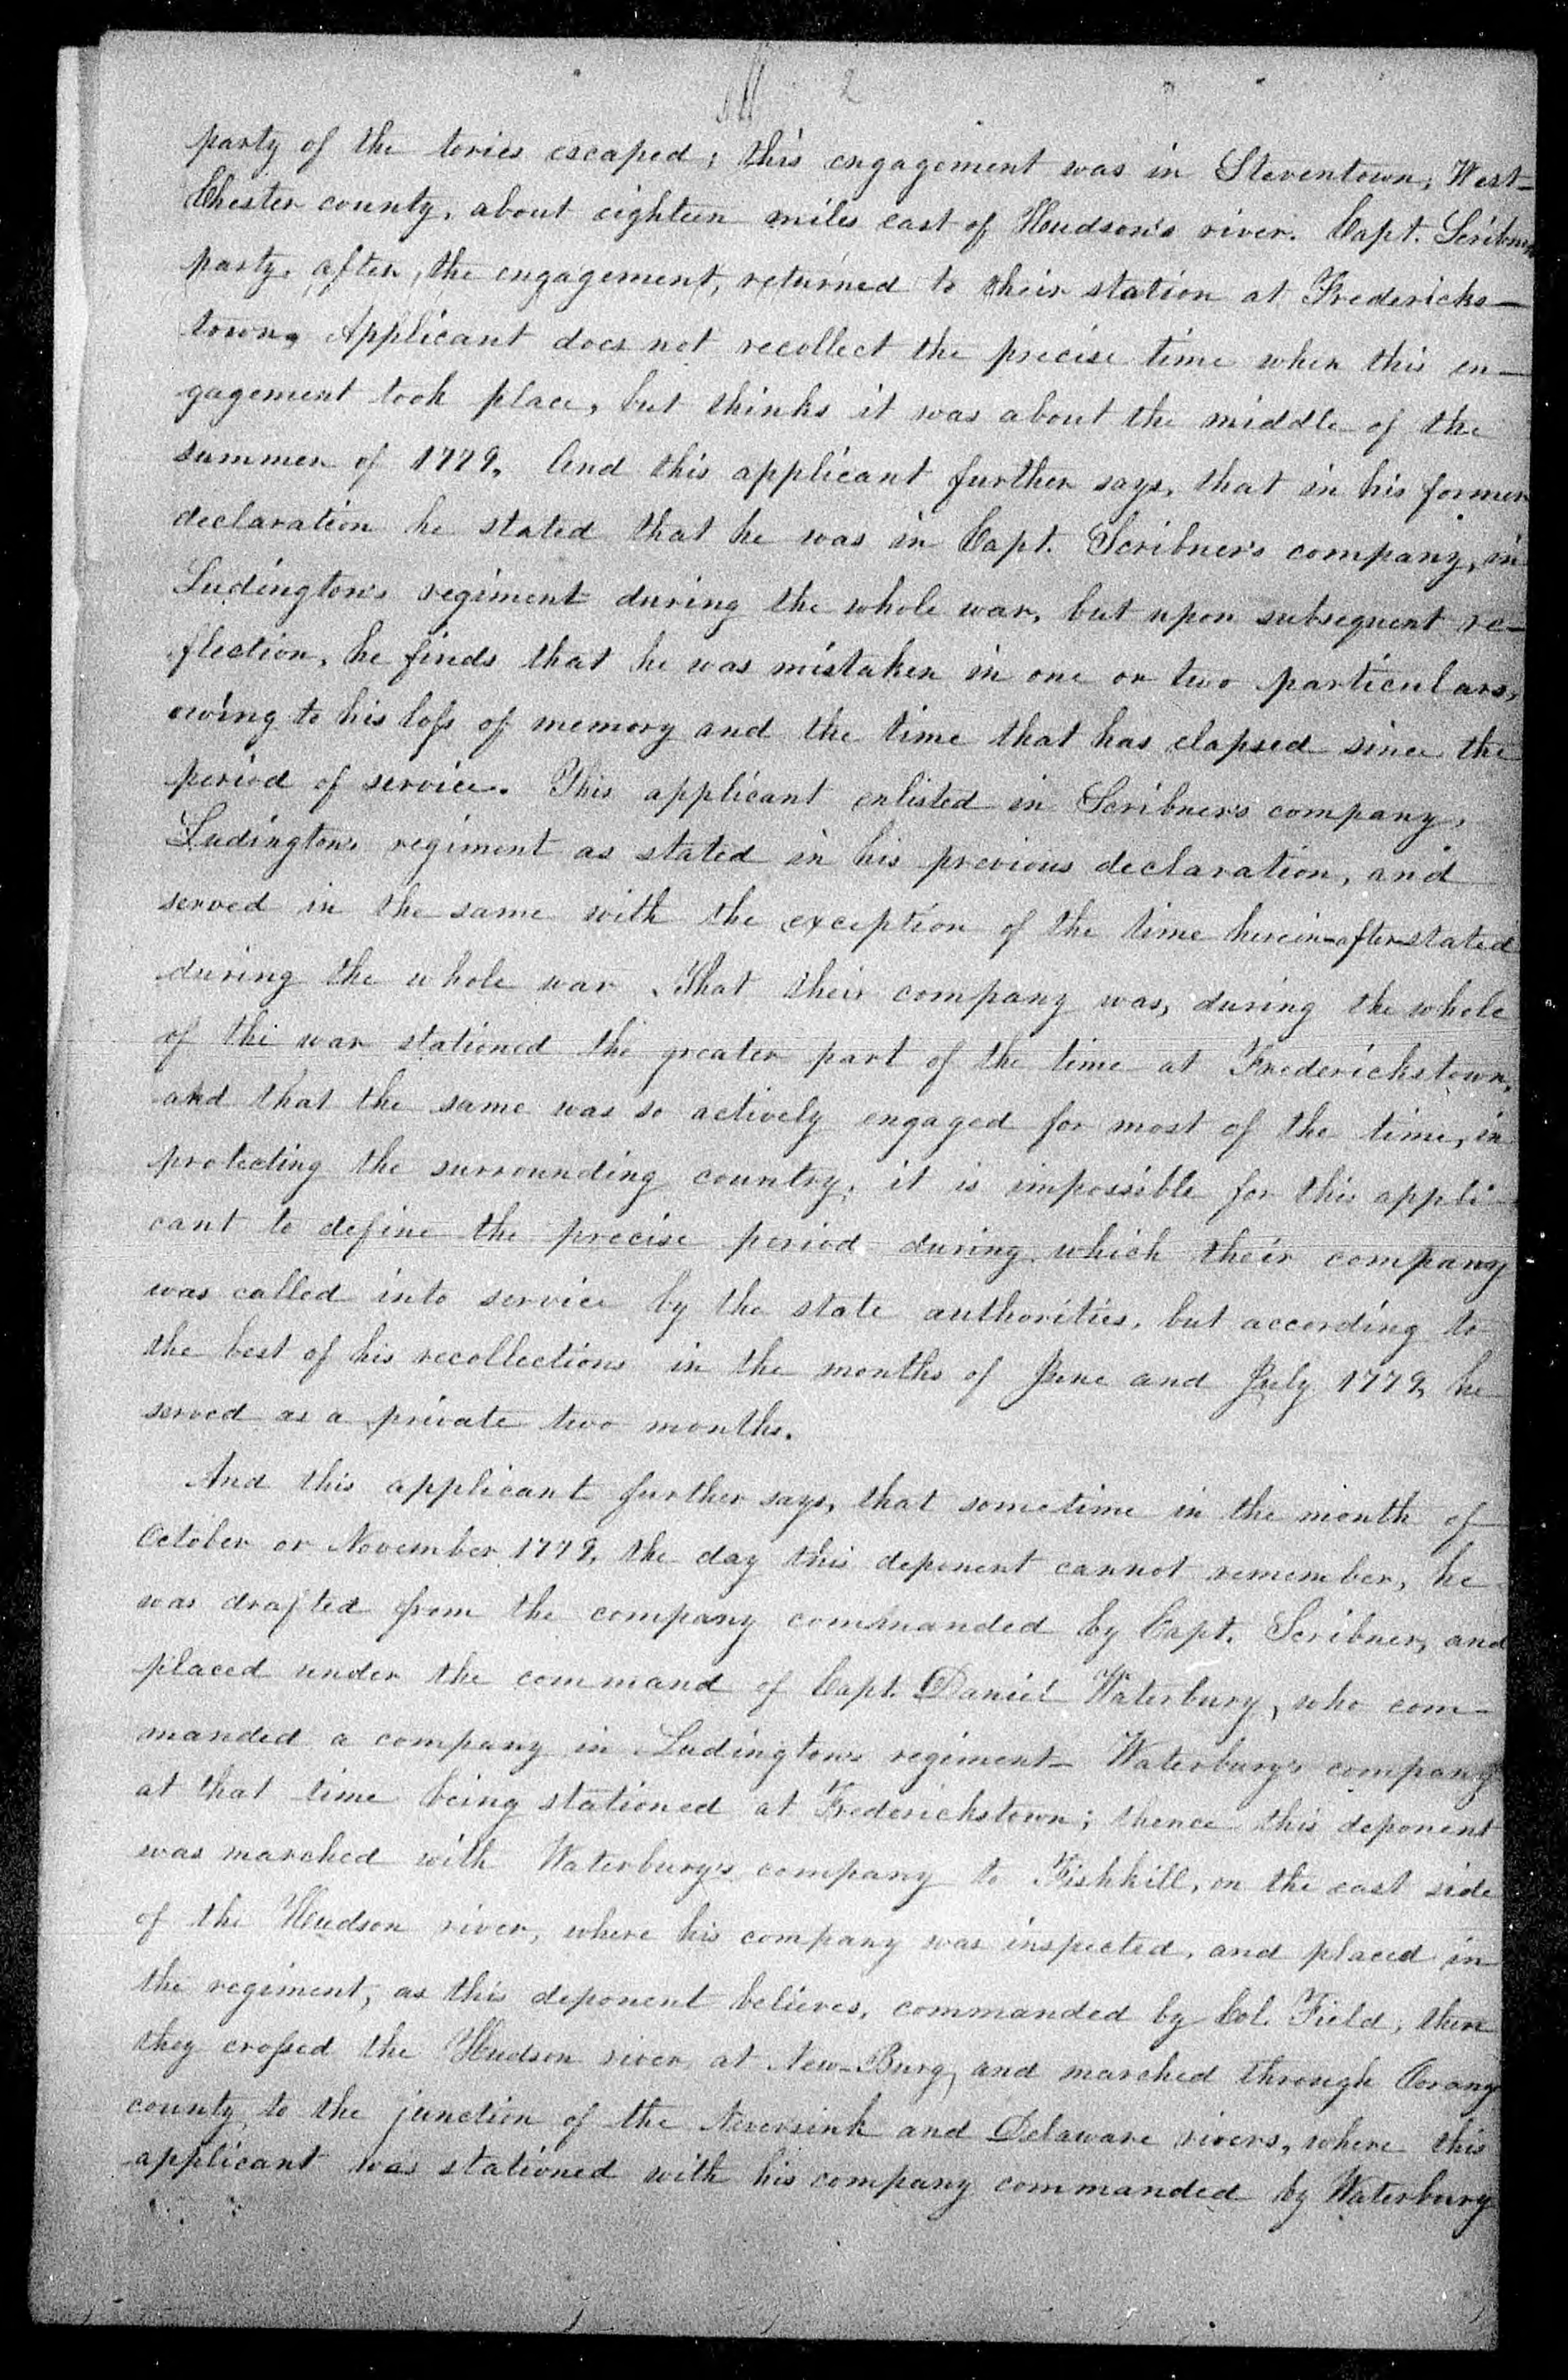party of the tories escaped; this engagement was in Steventown, Westchester county, about eighteen miles east of Hudson's river. Capt Scribners party after, the engagement, returned to their station at Frederickstown. Applicant does not recollect the precise time when this engagement took place, but thinks it was about the middle of the summer of 1779. And this applicant further says, that in his former declaration he stated that he was in Capt. Scribner's company, in Ludington's regiment during the whole war, but upon subsequent reflection, he finds that he was mistaken in one or two particulars, owing to his loss of memory and the time that has elapsed since the period of service. This applicant enlisted in Scribner's company, Ludington's regiment as stated in his previous declaration, and served in the same with the exception of the time herein after stated during the whole war. That their company was, during the whole of the war stationed the greater part of the time at Frederickstown and that the same was so actively engaged for most of the time, in protecting the surrounding country, it is impossible for this applicant to define the precise period for which their company was called into service by the state authorities. But according to the best of his recollections in the months of June and July 1779, he served as a private two months.
And this applicant further says, that sometime in the month of October or November 1779, the day this deponent cannot remember, he was drafted from the company commanded by Capt. Scribner, and  placed under the command of Capt Daniel Waterbury who commanded a company in Ludington's regiment - Waterbury's company at that time being stationed at Frederickstown thence this deponent was marched with Waterbury's company to Fishkill on the east side of the Hudson River, where his company was inspected and placed in the regiment, as this deponent believes, commanded by Col Field, there they crossed the Hudson river at New Bridge, and marched through Orange County to the junction of the Navesink and Delaware rivers, where this applicant was stationed with his company commanded by Waterbury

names: Waterbury, Field, Scribner, Daniel Waterbury, Scribner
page: 23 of 66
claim: rejected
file: R. 4298, Samuel Gregory, New York